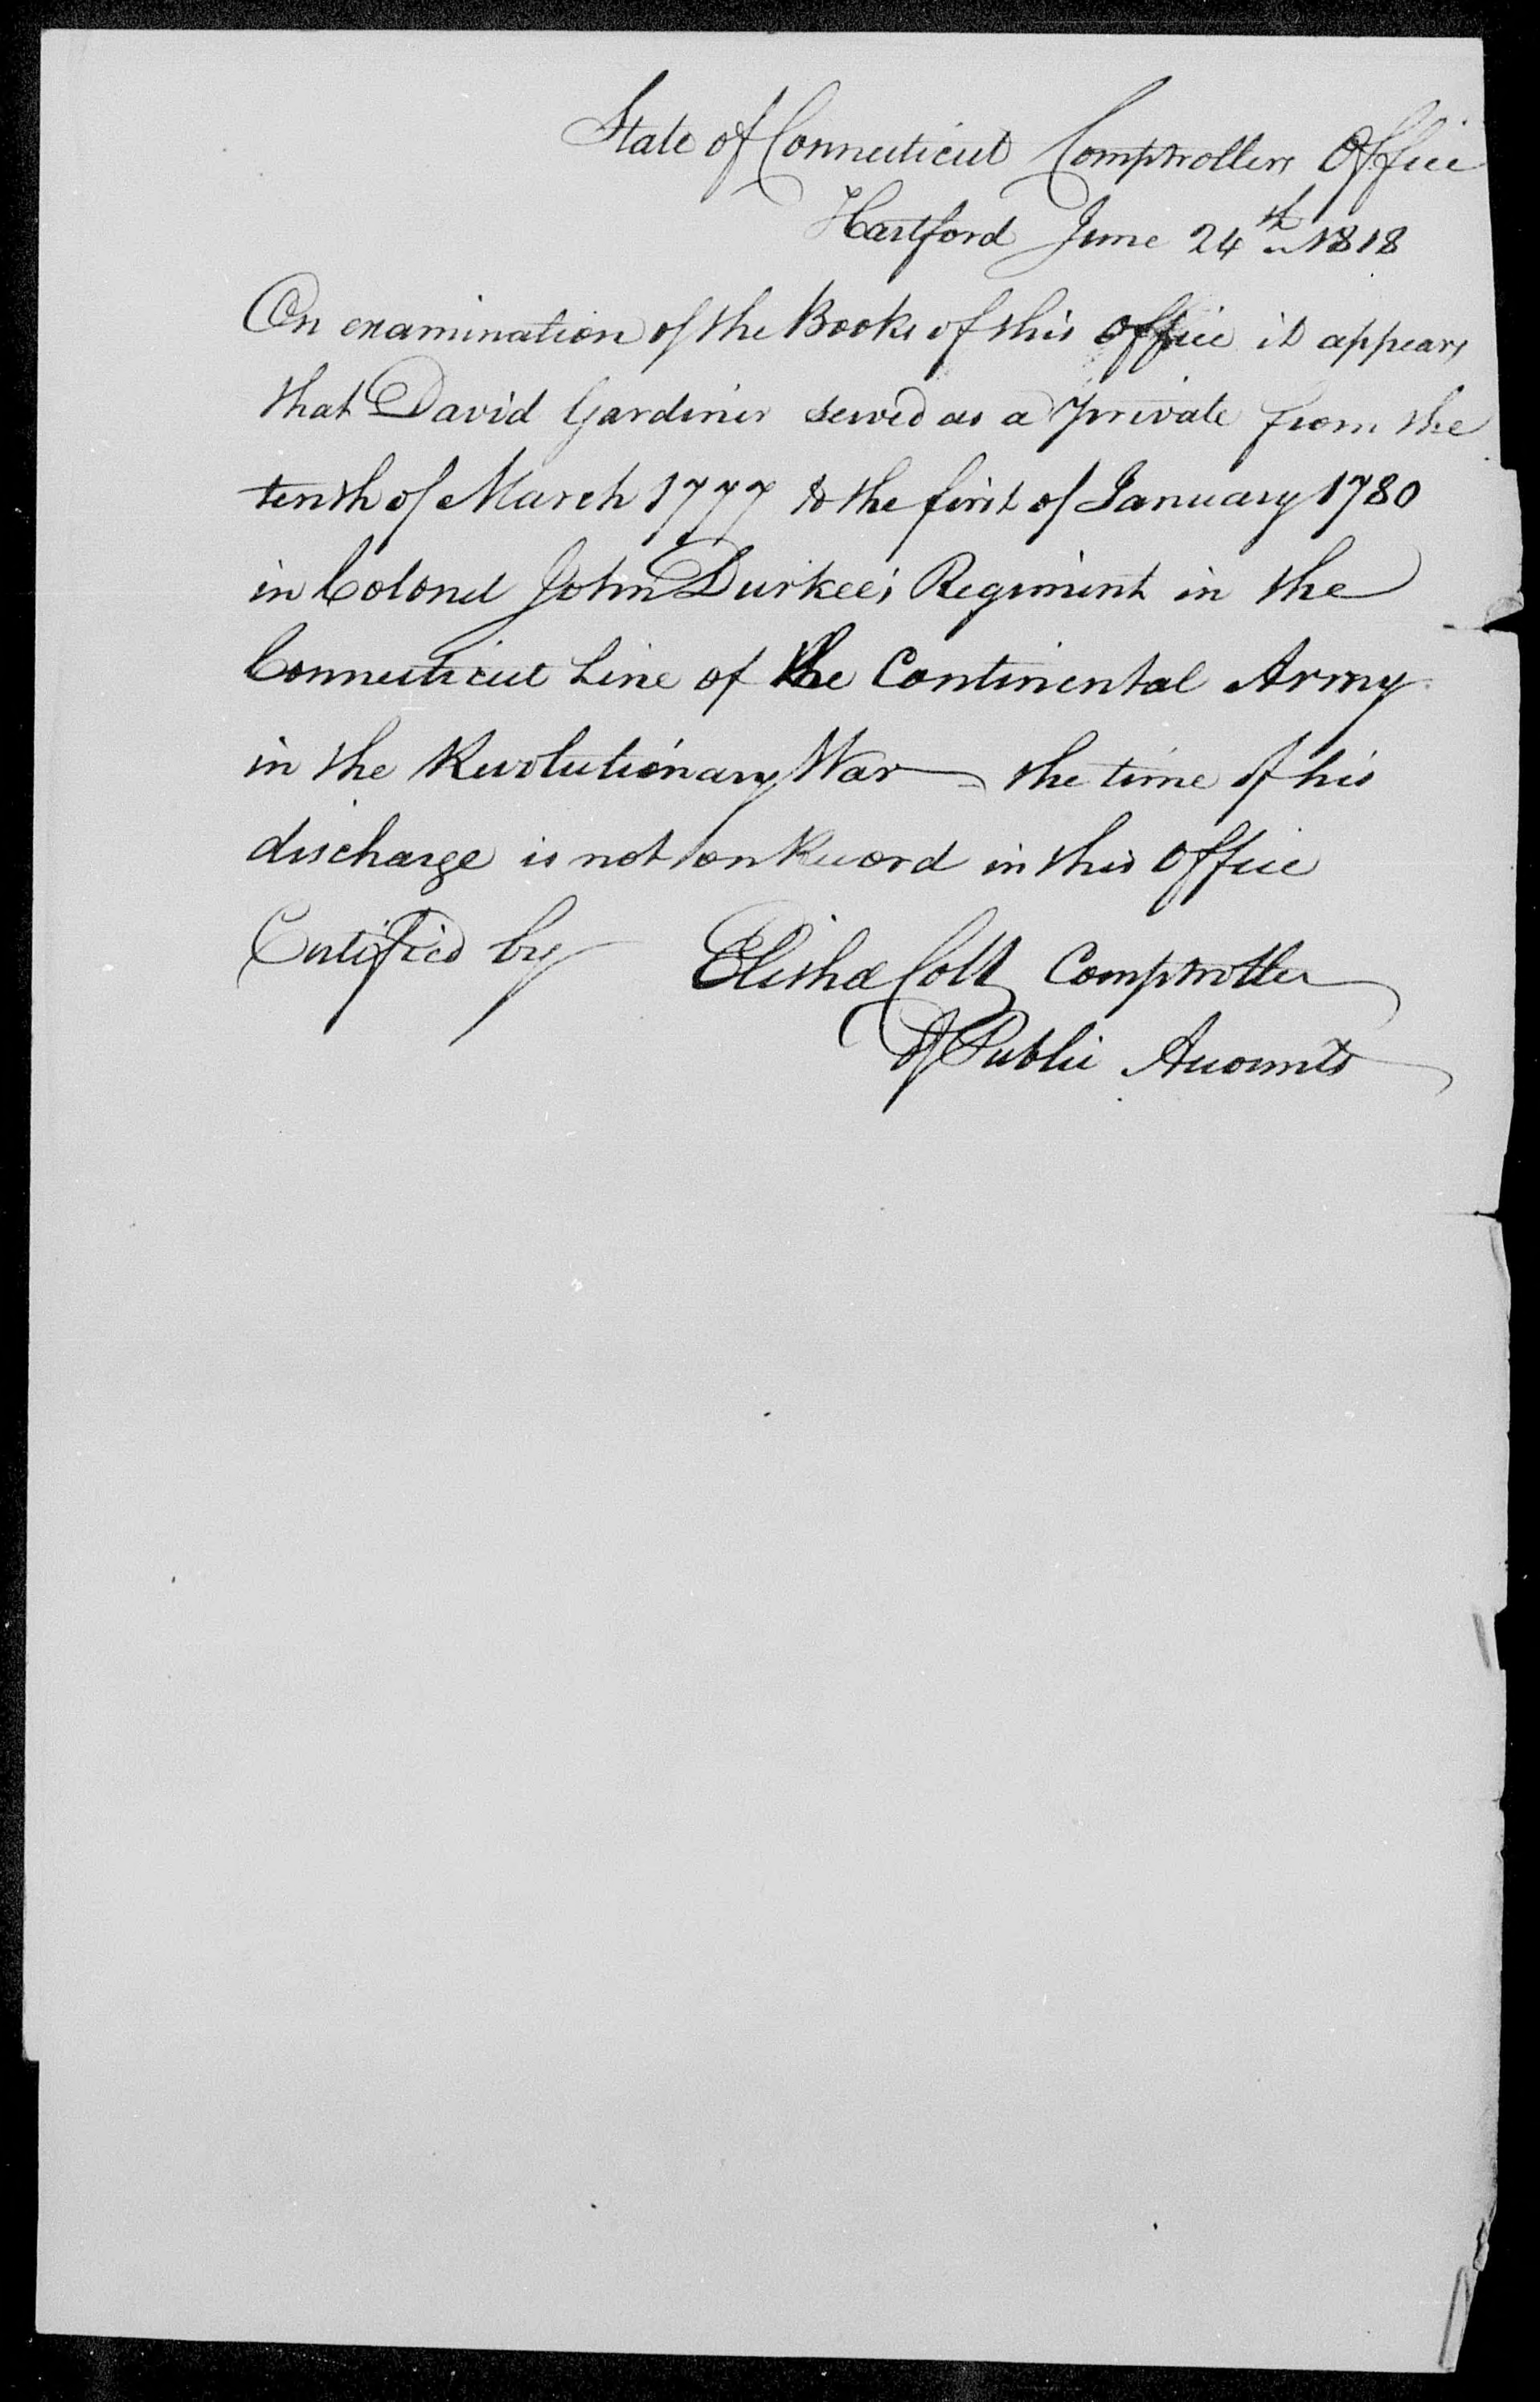State of Connecticut Comptrollers Office
Hartford June 24th, 1818
On examination of the Books of this office it appears that David Gardiner served as a private from the tenth of March 1777 to the first of January 1780 in Colonel John Durkee: Regiment in the Connecticut Line of the Continental Army in the Revolutionary War- the time of his discharge is not on Record in this office
Certified by Elisha Cott Comptroller
of Public Accounts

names: Elisha Cott, David Gardiner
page: 60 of 66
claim: widow's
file: W 1850, David Gardner, Conn.